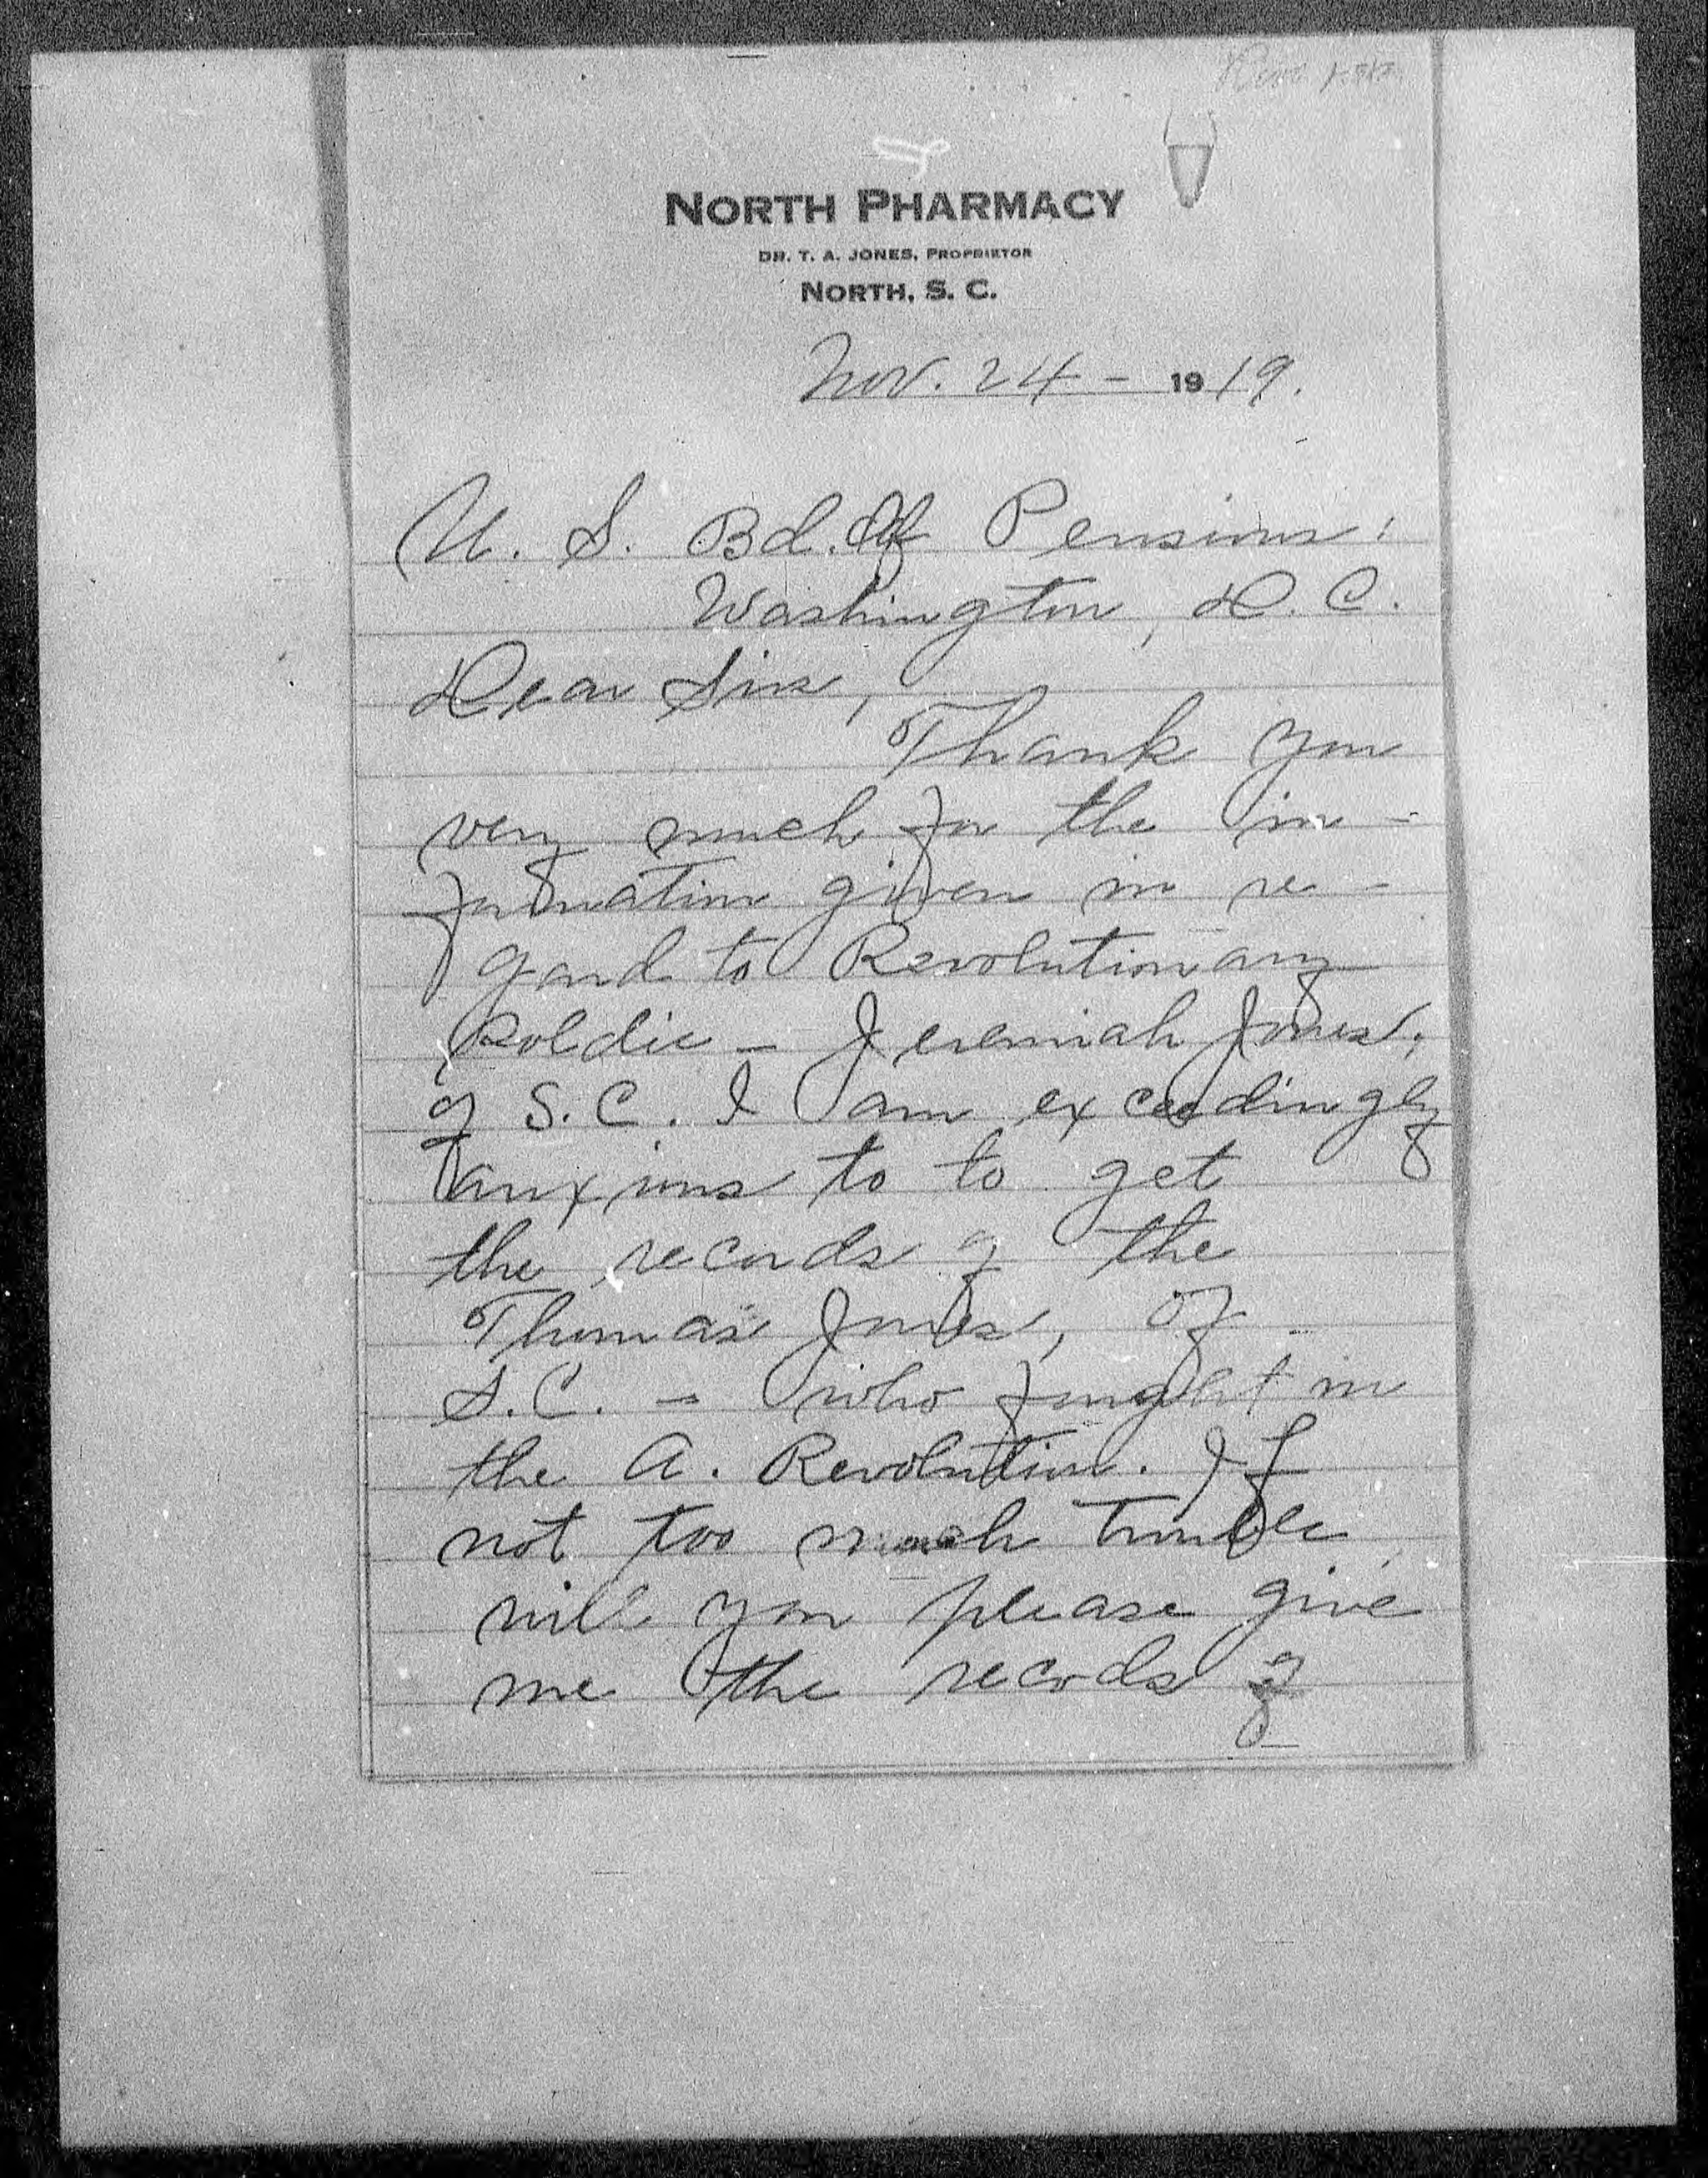NORTH PHARMACY
Dr. T. A. Jones, Proprietor
NORTH, S.C.

Nov. 24, - 1919

U.S. Bd. of Pensions
Washington, D.C.

Dear Sirs,
Thank you 
very much for the in-
formation given me re-
gards to Revolutionary
soldier - Jeremiah Jones
of S.C.  I am exceedingly 
anxious to to get 
the records of the 
Thomas Jones of 
S.C. - who fought in 
the A. Revolution.  If
not too much trouble
will you please give 
me the records of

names: Jeremiah Jones; Thomas Jones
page: 42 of 45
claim: widow's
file: W. 26160, for Thomas C Jones, Georgia